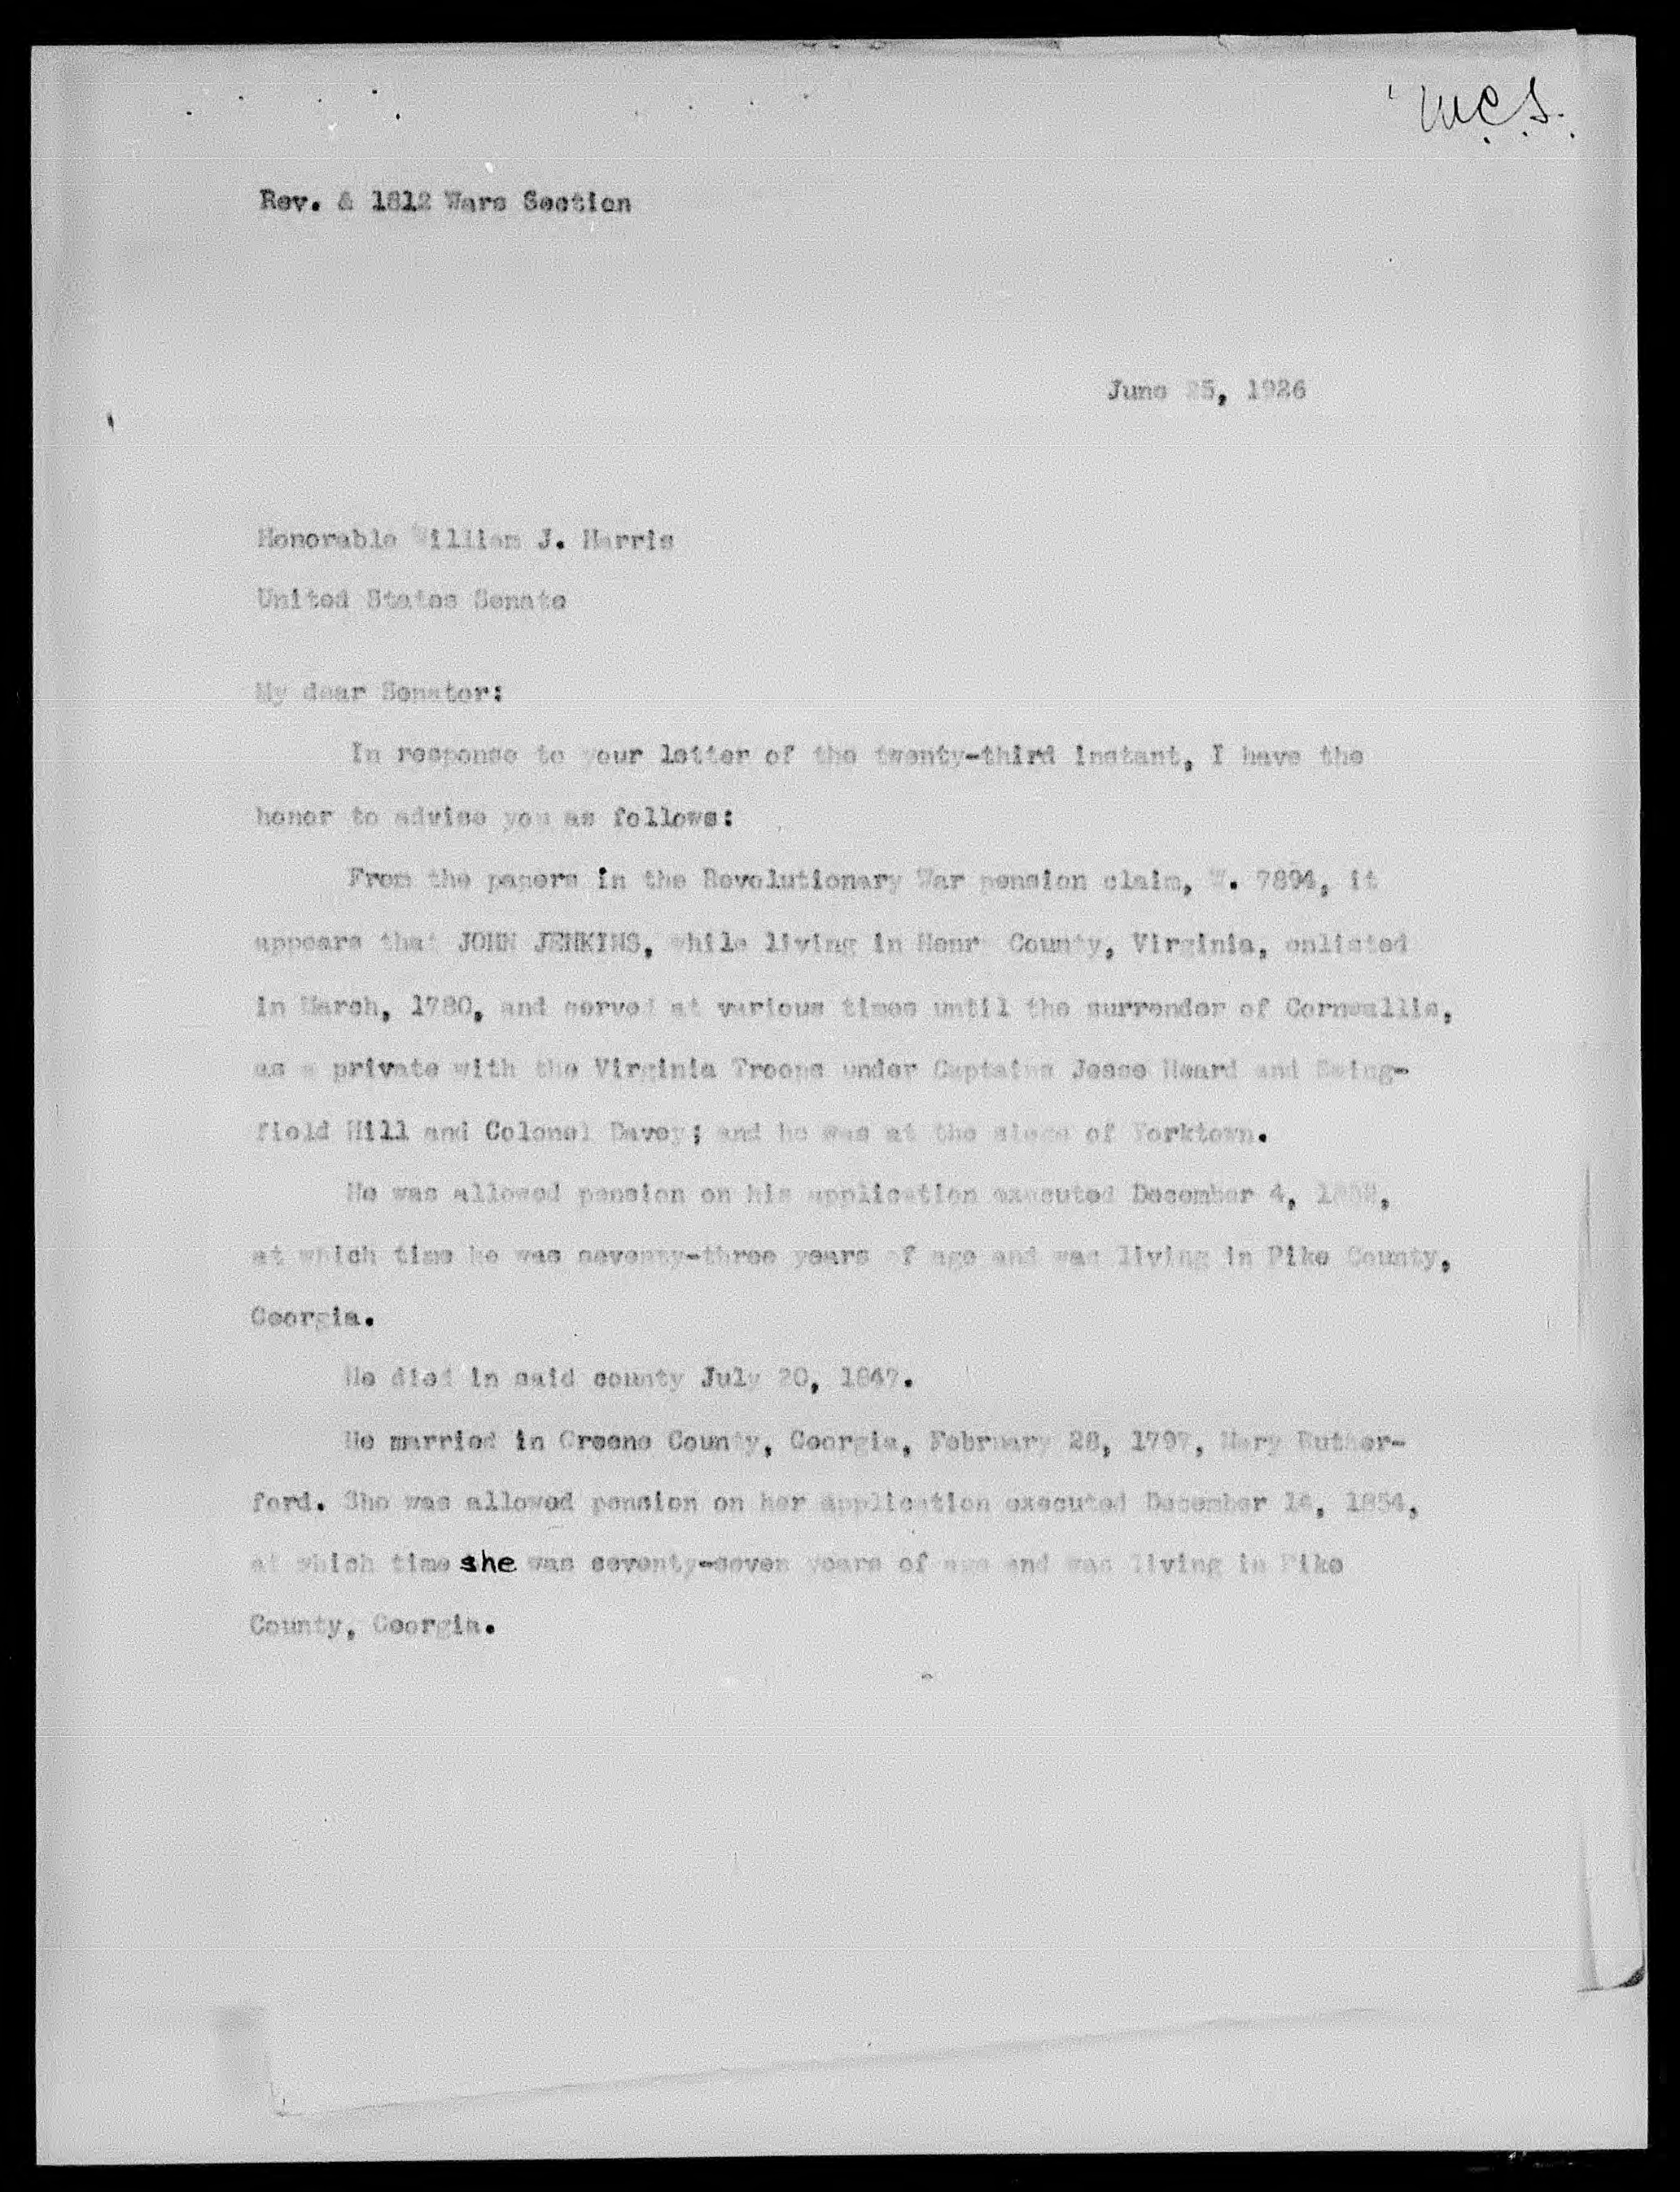W.C.S.
Rev. & 1812 Wars Section
June 15, 1926
Honorable William J. Harris
United States Senate
My dear Senator:
In response to your letter of the twenty third instant, I have the honor to advise you as follows:
From the papers in the Revolutionary War pension claim, W. 7894, it appears that JOHN JENKINS, while living in Henry County, Virginia, enlisted in March, 1780, and served at various times until the surrender of Cornwallis, as private with the Virginia Troops under Captain Jesse Heard and Swingfield [Swinfield] Hill and Colonel Davey; and he was at the siege of Yorktown. He was allowed pension on his application executed December 4, 1832, at which time he was seventy-three years of age and living in Pike County, Georgia. He died in said county July 20, 1847.
He married in Greene County, Georgia, February 28, 1797, Mary Rutherford. She was allowed pension on her application executed December 14, 1854, at which time she was seventy-seven years of age and was living in Pike County, Georgia.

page: 50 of 55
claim: widow's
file: W. 7894, for John Jenkins, Virginia